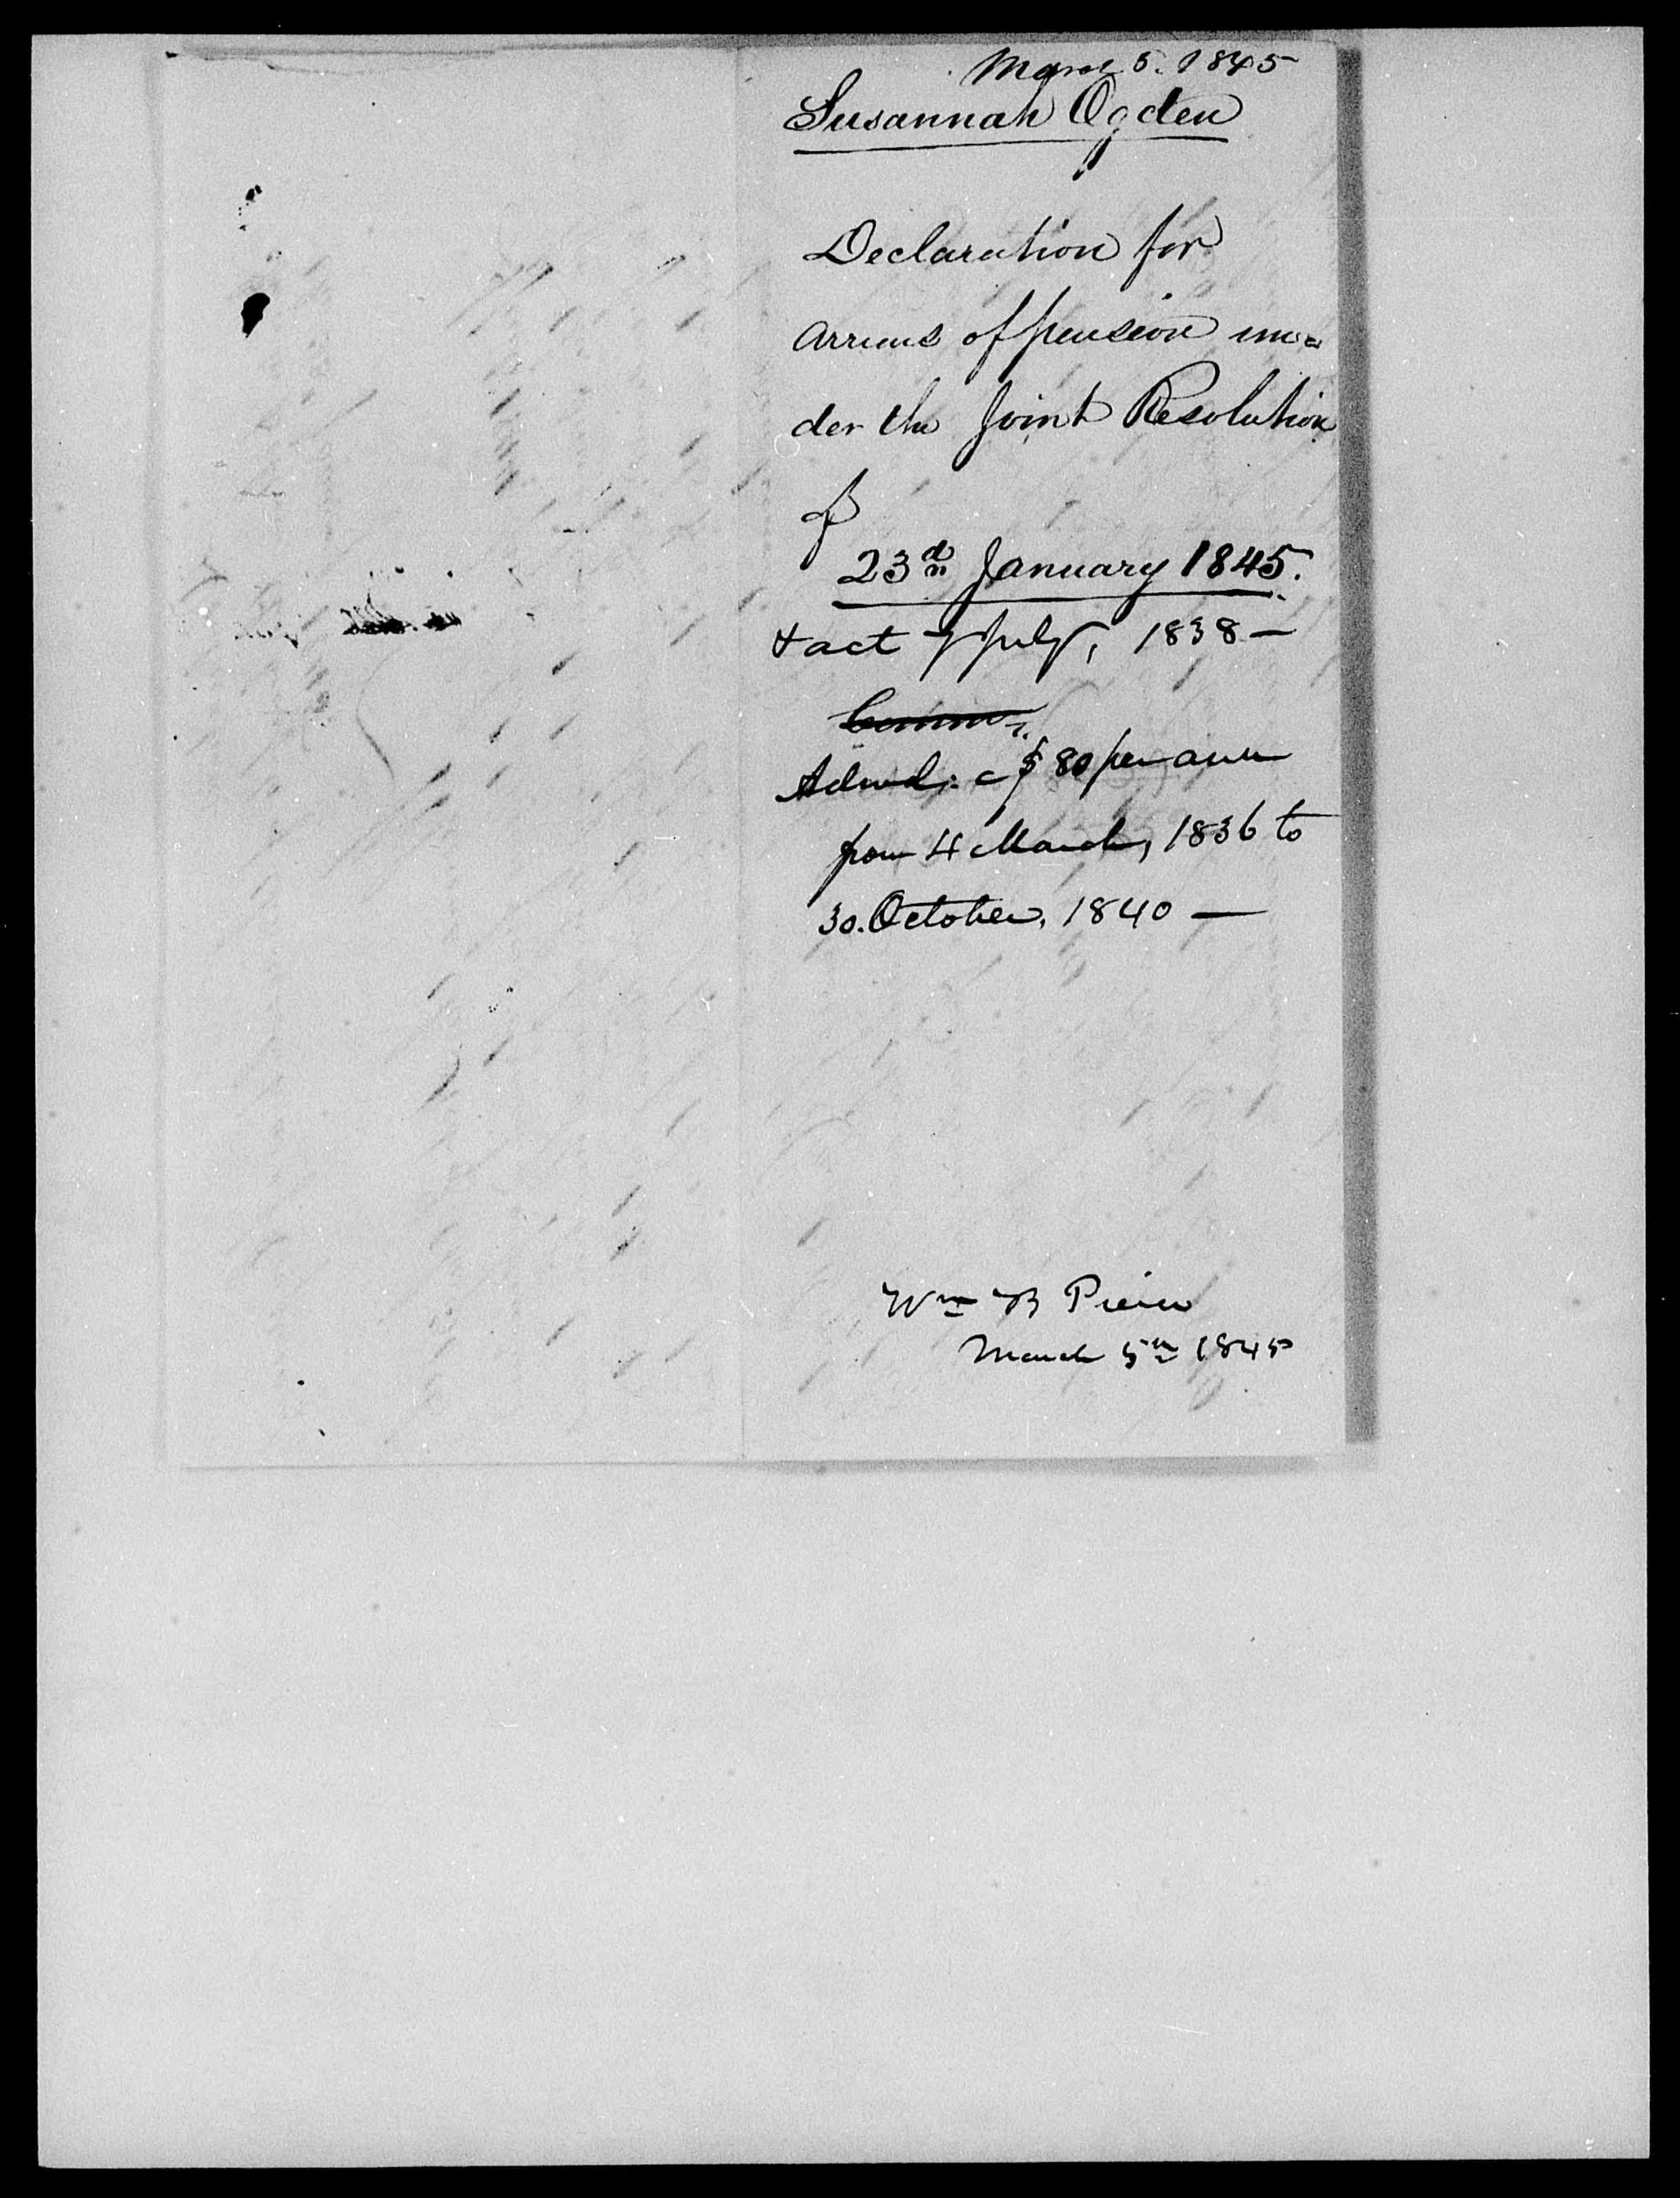March 6, 1845
Susannah Ogden

Declaration for
Arrears of pension
under the joint Resolution
of
23d January 1845.
& act 7 July, 1838 - 

[word crossed out]
[illegible]: c $80 per ann
from 4 March, 1836 to
30. October, 1840 - 

Wm B Pierce
March 5th 1845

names: Susannah Ogden; Wm B Pierce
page: 33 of 40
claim: widow's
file: W. 24364, for David Ogden, New York